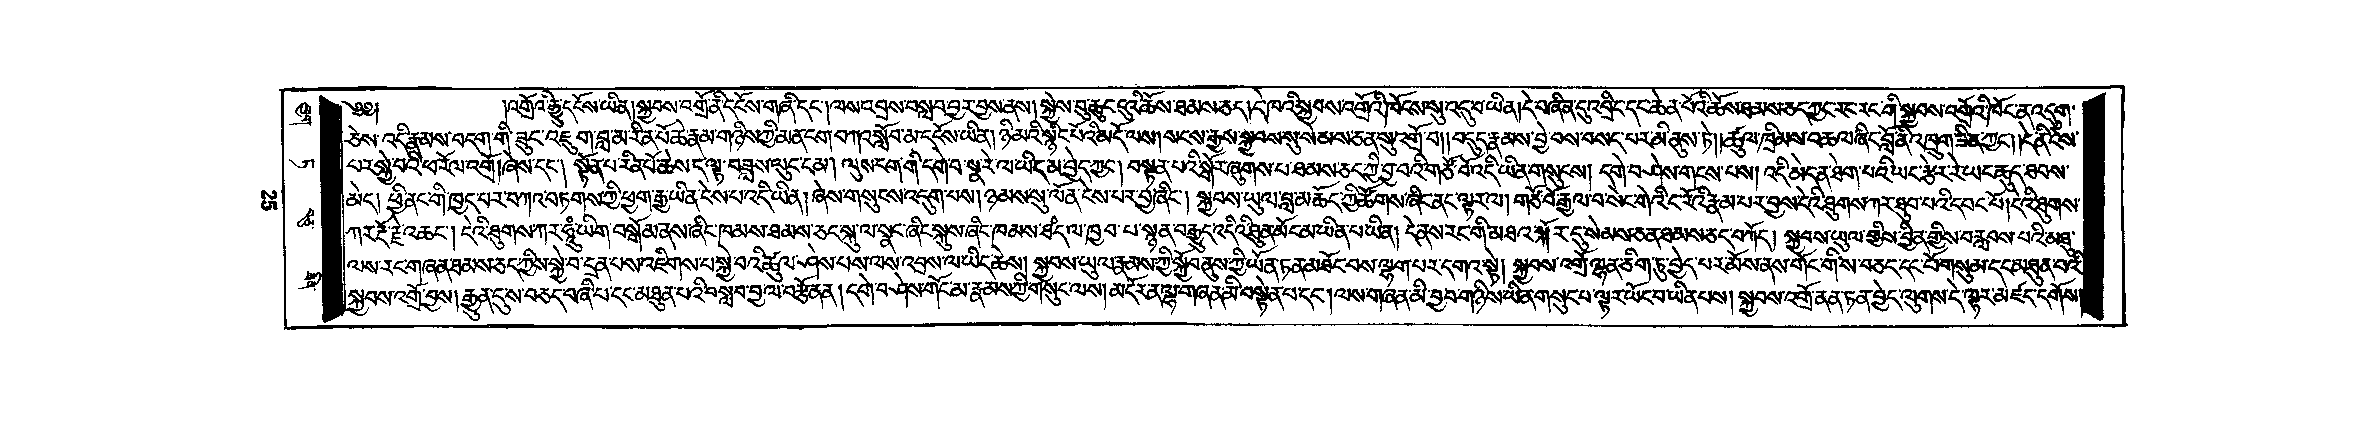༄༅། །འགྲོའི་རྒྱུ་དངོས་ཡིན། སྐྱབས་འགྲོ་ནི་དངོས་གཞི་དང་། ལས་འབྲས་བསླབ་བྱར་བྱས་ནས། སྐྱེས་བུ་ཆུང་ངུའི་ཆོས་ཐམས་ཅད། དེ་ཁའི་སྐྱབས་འགྲོའི་ཁོངས་སུ་འདུ་བ་ཡིན། དེ་བཞིན་དུ་འབྲིང་དང་ཆེན་པོའི་ཆོས་ཐམས་ཅད་ཀྱང་རང་རང་གི་སྐྱབས་འགྲོའི་ཁོང་ན་འདུག་
ཅེས་འདི་རྣམས་བདག་གི་ཟུང་འཇུག་བླ་མ་རིན་པོ་ཆེ་རྣམ་གཉིས་ཀྱི་མན་ངག་བཀའ་སློབ་མ་དངོས་ཡིན། ཉི་མའི་སྙིང་པོའི་མདོ་ལས། སངས་རྒྱས་སྐྱབས་སུ་སེམས་ཅན་སུ་འགྲོ་བ། །བདུད་རྣམས་བྱེད་བས་བསད་པར་མི་ནུས་ཏེ། །ཚུལ་ཁྲིམས་འཆལ་ཞིང་བློ་མི་འཁྲུག་ཟིན་ཀྱང་། །དེ་ནི་ངེས་
པར་སྐྱེ་བའི་ཕ་རོལ་འགྲོ་།ཞེས་དང་། སྟོན་པ་རིན་པོ་ཆེས་ད་ལྟ་བཟླས་ལུང་དམ། ལུས་ངག་གི་དགེ་བ་སྣ་རེ་ལ་ཡིད་མ་བྱེད་ཀྱང་། བསྟན་པའི་སྒོར་ཞུགས་པ་ཐམས་ཅད་ཀྱི་བྱ་བའི་གཙོ་བོ་འདི་ཡིན་གསུངས། དགེ་བཤེས་གངས་པས། འདི་མེད་ན་ཐེག་པའི་ཡང་རྩེར་རེ་ཡང་ཆུད་ཐབས་
མེད། ཕྱི་ནང་གི་ཁྱད་པར་བཀའ་བཏགས་ཀྱི་ཕྱག་རྒྱ་ཡིན་ངེས་པ་འདི་ཡིན། ཞེས་གསུངས་འདུག་པས། ཉམས་སུ་ལོན་ངེས་པར་བྱ་ཞིང་། སྐྱབས་ཡུལ་བླ་མཆོད་ཀྱི་ཚོགས་ཞིང་ནང་ལྟར་ལ། གཙོ་བོ་རྒྱལ་བ་སེང་གེའི་ང་རོའི་རྣམ་པར་བྱས་དེའི་ཐུགས་ཀར་ཐུབ་པའི་དབང་པོ། དེའི་ཐུགས་
ཀར་རྡོ་རྗེ་འཆང་། དེའི་ཐུགས་ཀར་ཧཱུཾ་ཡིག་བསྒོམ་ནས་ཞིང་ཁམས་ཐམས་ཅད་སྐུ་ལ་སྣང་ཞིང་སྐུས་ཞིང་ཁམས་ཐམས་ཅད་ལ་ཁྱབ་པ་སྙན་བརྒྱུད་འདིའི་ཐུན་མོང་མ་ཡིན་པ་ཡིན། དེ་ནས་རང་གི་མཐའ་སྐོར་དུ་སེམས་ཅན་ཐམས་ཅད་བཀོད། སྐྱབས་ཡུལ་གྱིས་བྱིན་གྱིས་བརླབས་པའི་མཐུ་
ལས་རང་གཞན་ཐམས་ཅད་ཀྱིས་སྐྱེ་བ་དྲན་པས་འཇིགས་པ་སྐྱེ་བའི་ཚུལ་ཤེས་པས་ལས་འབྲས་ལ་ཡིད་ཆེས། སྐྱབས་ཡུལ་རྣམས་ཀྱི་སྐྱོབ་ནུས་ཀྱི་ཡོན་ཏན་མཐོང་བས་ལྷག་པར་དགའ་སྟེ། སྐྱབས་འགྲོ་ལྷན་ཅིག་ཏུ་བྱེད་པར་མོས་ནས་གོང་གི་ས་བཅད་དང་པོ་གསུམ་དང་མཐུན་པའི་
སྐྱབས་འགྲོ་བྱས། རྒྱུན་དུ་ས་བཅད་བཞི་པ་དང་མཐུན་པའི་བསླབ་བྱ་ལ་བརྩོན་ན། དགེ་བཞེས་གོང་མ་རྣམས་ཀྱི་གསུང་ལ། མདོར་ན་ལྷ་གཞན་མི་བསྟེན་པ་དང་། ལས་གཞན་མི་བྱ་བ་གཉིས་ཡིན་གསུང་པ་ལྟར་ཡོང་བ་ཡིན་པས། སྐྱབས་འགྲོ་ནན་ཏན་བྱེད་ལུགས་དེ་ལྟར་མཛད་དགོས།